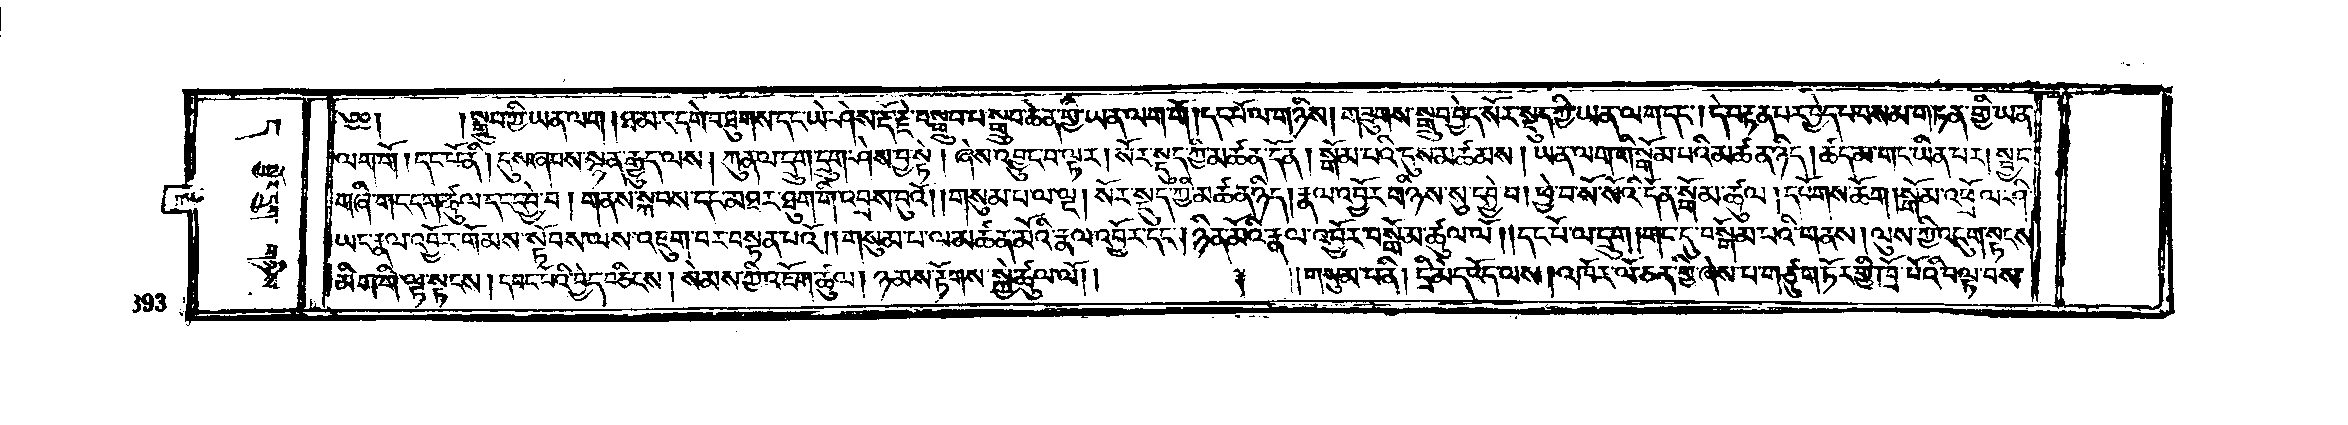༄༅། །སྒྲུབ་ཀྱི་ཡན་ལག །ཐ་མར་དགེ་བ་ཐུགས་དང་ཡེ་ཤེས་རྡོ་རྗེ་བསྒྲུབ་པ་སྒྲུབ་ཆེན་གྱི་ཡན་ལག་གོ །དང་པོ་ལ་གཉིས། གཟུགས་སྒྲུབ་བྱེད་སོར་སྡུད་ཀྱི་ཡན་ལག་དང་། དེ་བརྟན་པར་བྱེད་པ་བསམ་གཏན་གྱི་ཡན་
ལག་གོ །དང་པོ་ནི། དུས་ཞབས་སྙན་རྒྱུད་ལས། ཀུན་ལ་དྲུག་དྲུག་ཤེས་བྱ་སྟེ། ཞེས་འབྱུང་བ་ལྟར། སོར་སྡུད་ཀྱི་མཚན་དོན། སྒོམ་པའི་དུས་མཚམས། ཡན་ལག་གི་སྒོམ་པའི་མཚན་ཉིད། ཚད་མ་གང་ཡིན་པར། སྦྱང་
གཞི་གང་དག་ཚུལ་དང་དབྱེ་བ། གནས་སྐབས་དང་མཐར་ཐུག་གི་འབྲས་བུའོ། །གསུམ་པ་ལ་ལྔ། སོར་སྡུད་ཀྱི་མཚན་ཉིད། རྣལ་འབྱོར་གཉིས་སུ་དབྱེ་བ། ཕྱེ་བ་སོ་སོའི་དོན་སྒོམ་ཚུལ། དཔོགས་ཆོག །སྒོམ་འཕྲོ་ལ་ཤི་
ཡང་རྣལ་འབྱོར་གོམས་སྟོབས་ལས་འཇུག་པར་བསྟན་པའོ། །གསུམ་པ་ལ་མཚན་མོའི་རྣལ་འབྱོར་དང་། ཉིན་མོའི་རྣལ་འབྱོར་བསྒོམ་ཚུལ་ལོ། །དང་པོ་ལ་དྲུག །གང་དུ་བསྒོམ་པའི་གནས། ལུས་ཀྱི་འདུག་སྟངས་
མིག་གི་ལྟ་སྟངས། དབང་པོའི་བྱེད་བཅིངས། སེམས་ཀྱི་འཇོག་ཚུལ། ཉམས་རྟོགས་སྐྱེ་ཚུལ་ལོ།། ༈ །།གསུམ་པ་ནི། དྲི་མེད་འོད་ལས། འཁོར་ལོ་ཅན་གྱི་ཞེས་པ་གཙུག་ཏོར་གྱི་ཁྲོ་པོའི་བལྟ་བས་